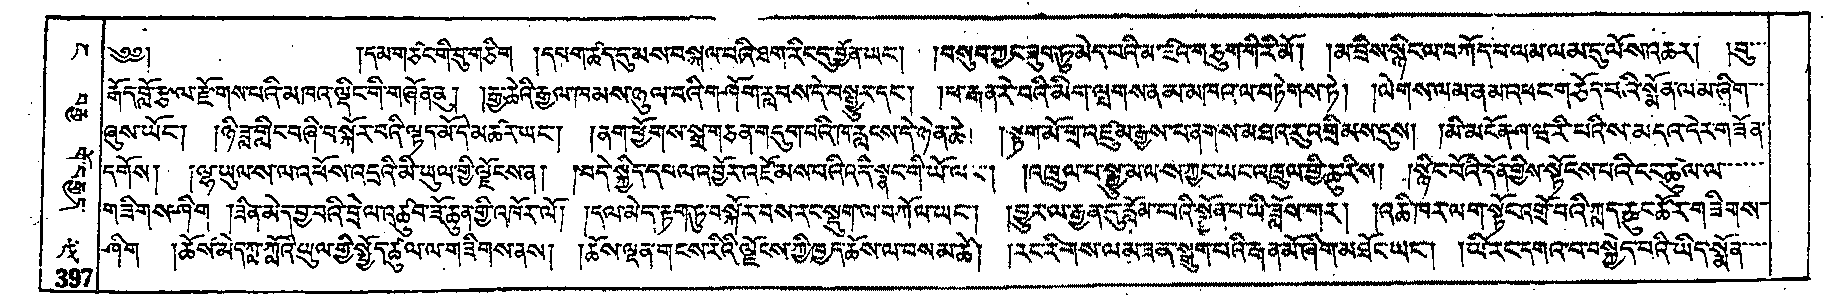༄༅། །དམ་གཙང་གི་བུ་གཅིག །དཔག་ཚད་དུ་མས་བསྐལ་བའི་ཐག་རིང་དུ་བྱོན་ཡང་། །བསུབ་ཀྱང་ཟུབ་ཏུ་མེད་པའི་མཛའ་གཅུག་གི་རི་མོ། །མ་བྲིས་སྙིང་ལ་བཀོད་པ་ལམ་ལམ་དུ་ལོས་འཆར། །བུ་
རྒོད་བློ་རྩལ་རྫོགས་པའི་མཁའ་ལྡིང་གི་གཞོན་ནུ། །རྒྱ་ཆེའི་རྒྱལ་ཁམས་ཉུལ་བའི་གཤོག་རླབས་དེ་བསྒྱུར་དང་། །ཕ་རྒན་རེ་བའི་མིག་ལྤགས་ནམ་མཁའ་ལ་བཏེགས་ཏེ། །ལེགས་ལམ་ནམ་འཕང་གཅོད་པའི་སྨོན་ལམ་ཞིག་
ཞུས་ཡོང་། །ཉི་ཟླ་གླིང་བཞི་བསྐོར་བའི་ལྟད་མོ་དེ་མཚར་ཡང་། །ནག་ཕྱོགས་སྒྲ་གཅན་གདུག་པའི་ཁ་རླངས་དེ་ཉེན་ཆེ། །སྟག་མོ་གྲ་འཛུམ་རྒྱས་པ་ནགས་མཐའ་རུ་འགྲིམས་དུས། །མི་མངོན་ཤ་ཝ་རི་པའི་ས་མདའ་དེར་གཟོན་
དགོས། །ལྷ་ཡུལ་ས་ལ་འཕོས་འདྲའི་མི་ཡུལ་གྱི་ལྗོངས་ན། །བདེ་སྐྱིད་དཔལ་འབྱོར་འཛོམས་པའི་འདི་སྣང་གི་ཡོ་ལང་། །འཁྲུལ་པ་སྒྱུ་མ་ལས་ཀྱང་ཡང་འཁྲུལ་གྱི་ཆུ་རིས། །སྙིང་པོའི་དོན་གྱིས་སྟོངས་པའི་ངང་ཚུལ་ལ་
གཟིགས་ཤིག །ཟིན་མེད་བྱ་བའི་བྲེལ་འཚུབ་ཟོ་ཆུན་གྱི་འཁོར་ལོ། །དལ་མེད་རྟག་ཏུ་བསྐོར་བས་རང་སྡུག་ལ་བཀོལ་ཡང་། །བྱུར་ལ་རྒྱན་དུ་རློམ་པའི་སྨྱོན་པ་ཡི་ཟློས་གར། །འཆི་ཁར་ལག་སྟོང་འགྲོ་བའི་ཀླད་ཆུང་ཚོར་གཟིགས་
ཤིག །ཆོས་མེད་ཀླ་ཀློའི་ཡུལ་གྱི་སྤྱོད་ཚུལ་ལ་གཟིགས་ནས། །ཆོས་ལྡན་གངས་རིའི་ལྗོངས་ཀྱི་ཁྱད་ཆོས་ལ་བསམ་ཚེ། །རང་རིགས་ལམ་ཟན་སྒུག་པའི་རྒན་མོ་ཞིག་མཐོང་ཡང་། །ཡི་རང་དགའ་བ་བསྐྱེད་པའི་ཡིད་སྨོན་